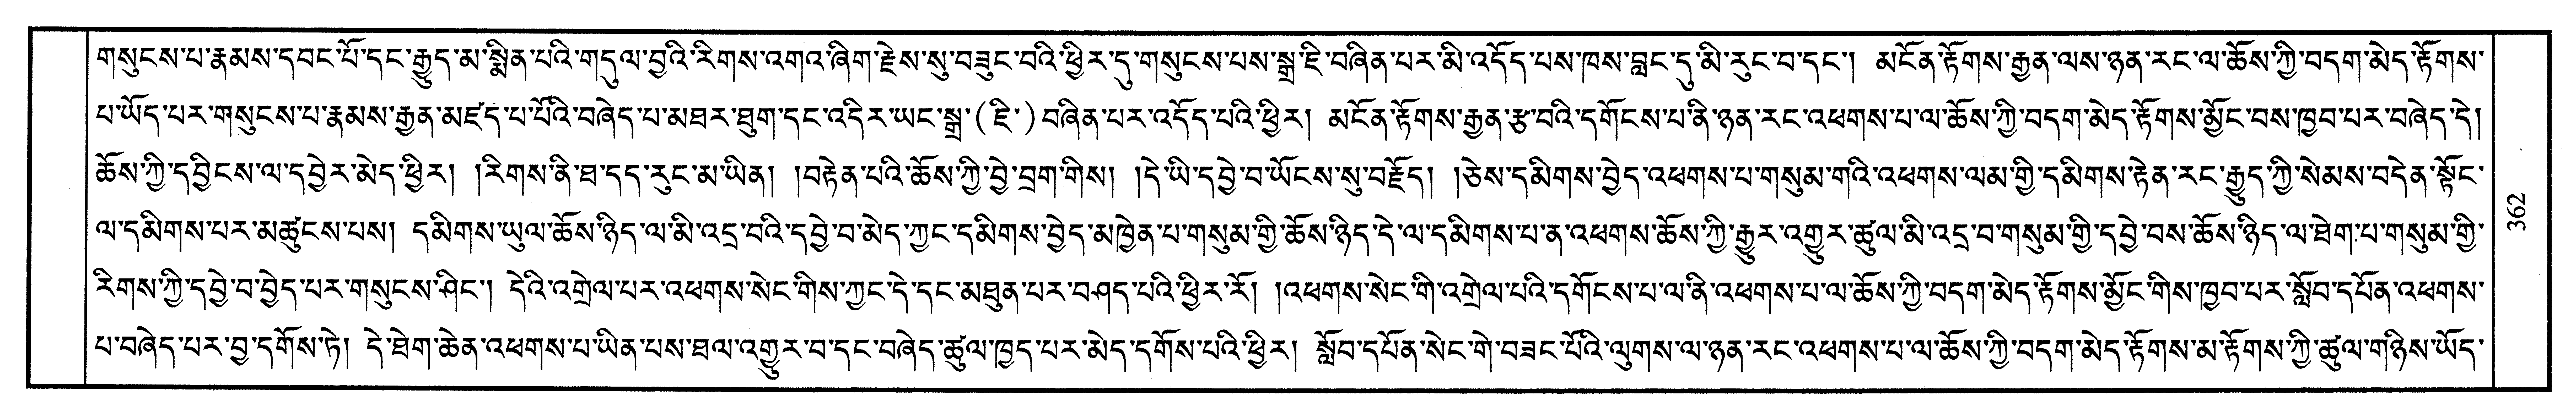གསུངས་པ་རྣམས་དབང་པོ་དང་རྒྱུད་མ་སྨིན་པའི་གདུལ་བྱའི་རིགས་འགའ་ཞིག་རྗེས་སུ་བཟུང་བའི་ཕྱིར་དུ་གསུངས་པས་སྒྲ་ཇི་བཞིན་པར་མི་འདོད་པས་ཁས་བླང་དུ་མི་རུང་བ་དང་། མངོན་རྟོགས་རྒྱན་ལས་ཉན་རང་ལ་ཆོས་ཀྱི་བདག་མེད་རྟོགས་
པ་ཡོད་པར་གསུངས་པ་རྣམས་རྒྱན་མཛད་པ་པོའི་བཞེད་པ་མཐར་ཐུག་དང་འདིར་ཡང་སྒྲ་ཇི་བཞིན་པར་འདོད་པའི་ཕྱིར། མངོན་རྟོགས་རྒྱན་རྩ་བའི་དགོངས་པ་ནི་ཉན་རང་འཕགས་པ་ལ་ཆོས་ཀྱི་བདག་མེད་རྟོགས་མྱོང་བས་ཁྱབ་པར་བཞེད་དེ།
ཆོས་ཀྱི་དབྱིངས་ལ་དབྱེར་མེད་ཕྱིར། །རིགས་ནི་ཐ་དད་རུང་མ་ཡིན། །བརྟེན་པའི་ཆོས་ཀྱི་བྱེ་བྲག་གིས། །དེ་ཡི་དབྱེ་བ་ཡོངས་སུ་བརྗོད། །ཅེས་དམིགས་བྱེད་འཕགས་པ་གསུམ་གའི་འཕགས་ལམ་གྱི་དམིགས་རྟེན་རང་རྒྱུད་ཀྱི་སེམས་བདེན་སྟོང་
ལ་དམིགས་པར་མཚུངས་པས། དམིགས་ཡུལ་ཆོས་ཉིད་ལ་མི་འདྲ་བའི་དབྱེ་བ་མེད་ཀྱང་དམིགས་བྱེད་མཁྱེན་པ་གསུམ་གྱི་ཆོས་ཉིད་དེ་ལ་དམིགས་པ་ན་འཕགས་ཆོས་ཀྱི་རྒྱུར་འགྱུར་ཚུལ་མི་འདྲ་བ་གསུམ་གྱི་དབྱེ་བས་ཆོས་ཉིད་ལ་ཐེག་པ་གསུམ་གྱི་
རིགས་ཀྱི་དབྱེ་བ་བྱེད་པར་གསུངས་ཤིང་། དེའི་འགྲེལ་པར་འཕགས་སེང་གིས་ཀྱང་དེ་དང་མཐུན་པར་བཤད་པའི་ཕྱིར་རོ། །འཕགས་སེང་གི་འགྲེལ་པའི་དགོངས་པ་ལ་ནི་འཕགས་པ་ལ་ཆོས་ཀྱི་བདག་མེད་རྟོགས་མྱོང་གིས་ཁྱབ་པར་སློབ་དཔོན་འཕགས་
པ་བཞེད་པར་བྱ་དགོས་ཏེ། དེ་ཐེག་ཆེན་འཕགས་པ་ཡིན་པས་ཐལ་འགྱུར་བ་དང་བཞེད་ཚུལ་ཁྱད་པར་མེད་དགོས་པའི་ཕྱིར། སློབ་དཔོན་སེང་གེ་བཟང་པོའི་ལུགས་ལ་ཉན་རང་འཕགས་པ་ལ་ཆོས་ཀྱི་བདག་མེད་རྟོགས་མ་རྟོགས་ཀྱི་ཚུལ་གཉིས་ཡོད་